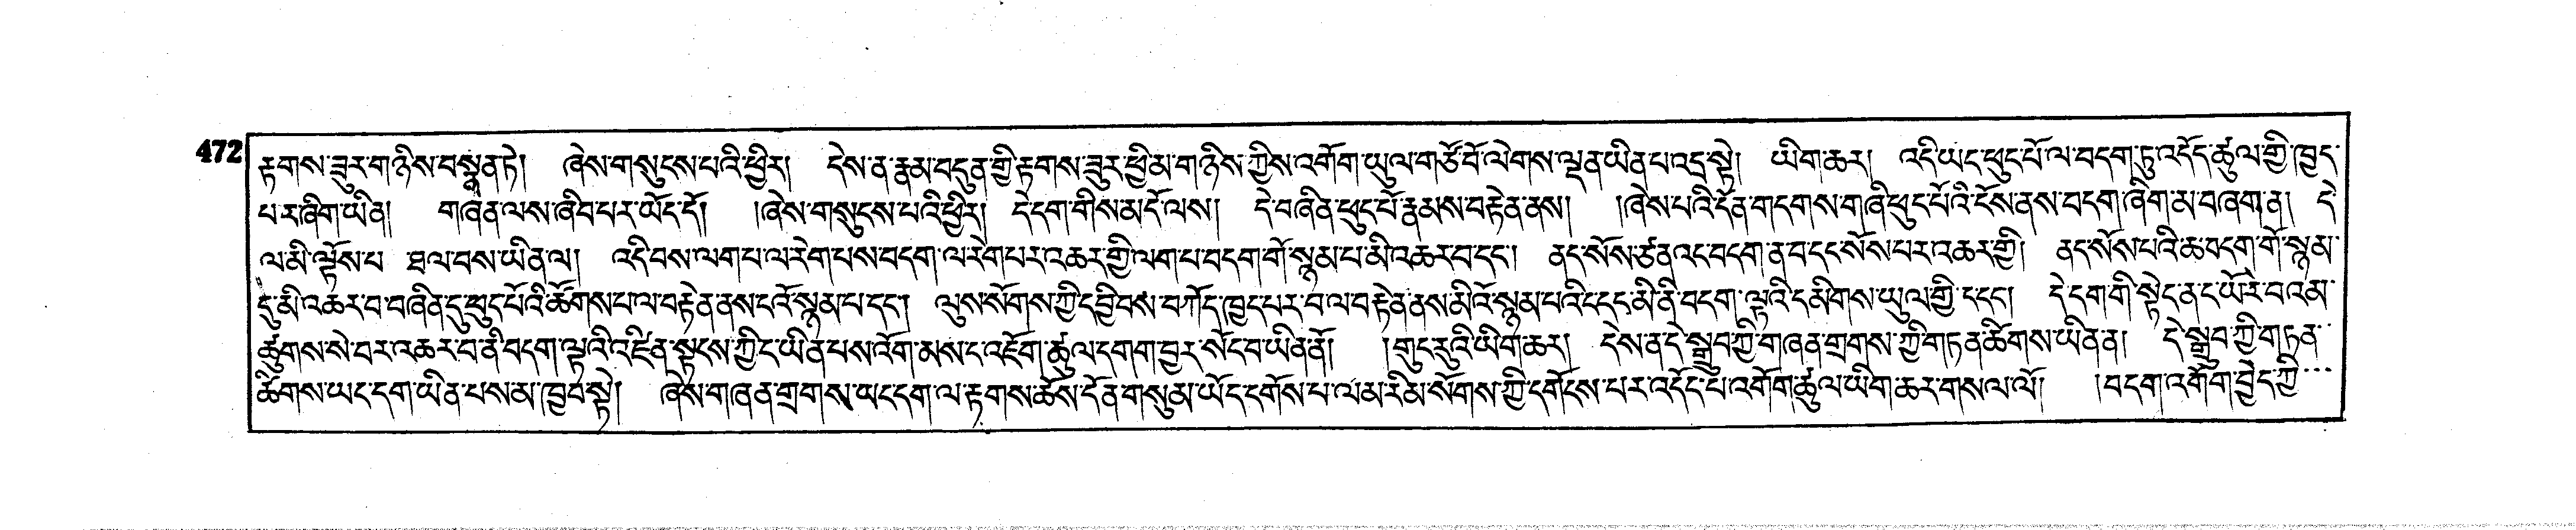རྟགས་ཟུར་གཉིས་བསྣན་ཏེ། ཞེས་གསུངས་པའི་ཕྱིར། དེས་ན་རྣམ་བདུན་གྱི་རྟགས་ཟུར་ཕྱི་མ་གཉིས་ཀྱིས་འགོག་ཡུལ་གཙོ་བོ་ལེགས་ལྡན་ཡིན་པ་འདྲ་སྟེ། ཡིག་ཆར། འདི་ཡང་ཕུང་པོ་ལ་བདག་ཏུ་འདོད་ཚུལ་གྱི་ཁྱད་
པར་ཞིག་ཡིན། གཞན་ལས་ཞིབ་པར་ཡོད་དོ། །ཞེས་གསུངས་པའི་ཕྱིར། དེ་དག་གིས་མདོ་ལས། དེ་བཞིན་ཕུང་པོ་རྣམས་བརྟེན་ནས། །ཞེས་པའི་དོན་གདགས་གཞི་ཕུང་པོའི་ངོས་ནས་བདག་ཞིག་མ་བཞག་ན། དེ་
ལ་མི་ལྟོས་པ་ཐལ་བས་ཡིན་ལ། འདི་བས་ལག་པ་ལ་རེག་པས་བདག་ལ་རེག་པར་འཆར་གྱི་ལག་པ་བདག་གོ་སྙམ་པ་མི་འཆར་བ་དང་། ནད་སོས་ཙ་ནའང་བདག་ན་བ་དང་སོས་པར་འཆར་གྱི། ནད་སོས་པའི་ཆ་བདག་གོ་སྙམ་
དུ་མི་འཆར་བ་བཞིན་དུ་ཕུང་པོའི་ཚོགས་པ་ལ་བརྟེན་ནས་ངའོ་སྙམ་པ་དང་། ལུས་སོགས་ཀྱི་དབྱིབས་བཀོད་ཁྱད་པར་བ་ལ་བརྟེན་ནས་མིའོ་སྙམ་པའི་ང་དང་མི་ནི་བདག་ལྟའི་དམིགས་ཡུལ་གྱི་ང་དང་། དེ་དག་གི་སྟེང་ན་ང་ཡོ་རེ་བའམ་
ཚུགས་སེ་བར་འཆར་བ་ནི་བདག་ལྟའི་འཛིན་སྟངས་ཀྱི་ང་ཡིན་པས་འོག་མས་ང་འཇོག་ཚུལ་དགག་བྱར་སོང་བ་ཡིན་ནོ། །གུང་རུའི་ཡིག་ཆར། དེས་ན་དེ་སྒྲུབ་ཀྱི་གཞན་གྲགས་ཀྱི་གཏན་ཚིགས་ཡིན་ན། དེ་སྒྲུབ་ཀྱི་གཏན་
ཚིགས་ཡང་དག་ཡིན་པས་མ་ཁྱབ་སྟེ། ཞེས་གཞན་གྲགས་ཡང་དག་ལ་རྟགས་ཆོས་དོན་གསུམ་ཡོད་དགོས་པ་ལམ་རིམ་སོགས་ཀྱི་དགོངས་པར་འདོད་པ་འགོག་ཚུལ་ཡིག་ཆར་གསལ་ལོ། །བདག་འགོག་བྱེད་ཀྱི་